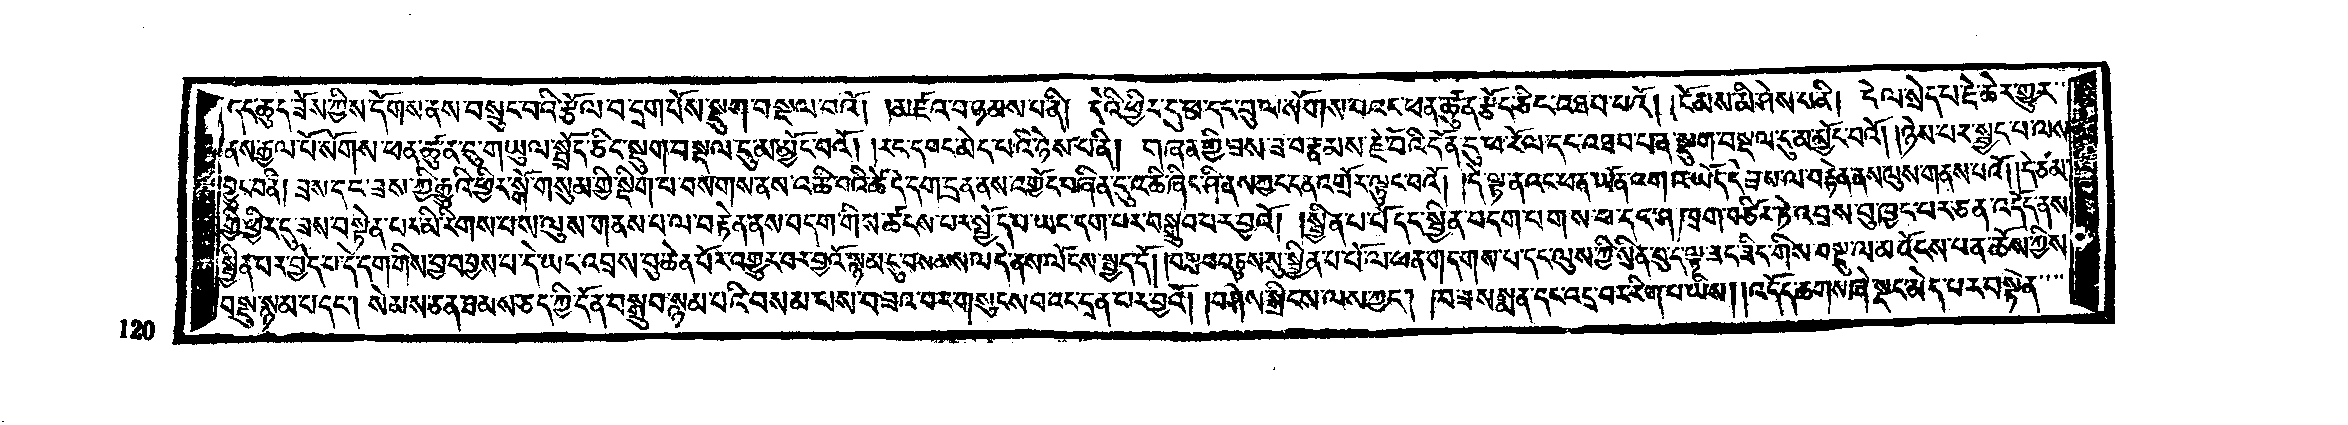དང་ཆུད་ཟོས་ཀྱིས་དོགས་ནས་བསྲུང་བའི་རྩོལ་བ་དྲག་པོས་སྡུག་བསྔལ་བའོ། །མཛའ་བ་ཉམས་པ་ནི། དེའི་ཕྱིར་དུ་ཕ་དང་བུ་ལ་སོགས་པའང་ཕན་ཚུན་རྩོད་ཅིང་འཐབ་པའོ། །ངོམས་མི་ཤེས་པ་ནི། དེ་ལ་སྲེད་པ་ཇེ་ཆེར་གྱུར་
ནས་རྒྱལ་པོ་སོགས་ཕན་ཚུན་དུ་གཡུལ་སྤྲོད་ཅིང་སྡུག་བསྔལ་དུ་མ་མྱོང་བའོ། །རང་དབང་མེད་པའི་ཉེས་པ་ནི། གཞན་གྱི་ཟས་ཟ་བ་རྣམས་རྗེ་བོའི་དོན་དུ་ཕ་རོལ་དང་འཐབ་པ་ན་སྡུག་བསྔལ་དུ་མ་མྱོང་བའོ། །ཉེས་པར་སྤྱད་པ་ལས་
བྱུང་བ་ནི། ཟས་དང་ཟས་ཀྱི་རྒྱུའི་ཕྱིར་སྒོ་གསུམ་གྱི་སྡིག་པ་བསགས་ནས་འཆི་བའི་ཚེ་དེ་དག་དྲན་ནས་འགྱོད་བཞིན་དུ་འཆི་ཞིང་ཤི་ནས་ཀྱང་ངན་འགྲོར་ལྟུང་བའོ། །དེ་ལྟ་ནའང་ཕན་ཡོན་འགའ་ཡོད་དེ་ཟས་ལ་བརྟེན་ནས་ལུས་གནས་པའོ། །དེ་ཙམ་
གྱི་ཕྱིར་དུ་ཟས་བསྟེན་པར་མི་རིགས་པས་ལུས་གནས་པ་ལ་བརྟེན་ནས་བདག་གིས་ཚངས་པར་སྤྱོད་པ་ཡང་དག་པར་བསྒྲུབ་པར་བྱའོ། །སྦྱིན་པ་པོ་དང་སྦྱིན་བདག་པགས་པ་དང་ཤ་ཁྲག་བཙིར་ཏེ་འབྲས་བུ་ཁྱད་པར་ཅན་འདོད་ནས་
སྦྱིན་པར་བྱེད་པ་དེ་དག་གིས་བྱ་བ་བྱས་པ་དེ་ཡང་འབྲས་བུ་ཆེན་པོར་འགྱུར་བར་བྱའོ་སྙམ་དུ་བསམས་ལ་དེ་ནས་ལོངས་སྤྱད་དོ། །བསླབ་བཏུས་སུ་སྦྱིན་པ་པོ་ལ་ཕན་གདགས་པ་དང་ལུས་ཀྱི་སྲིན་བུ་ད་ལྟ་ཟང་ཟིང་གིས་བསྡུ་ལ་མ་འོངས་པ་ན་ཆོས་ཀྱིས་
བསྡུ་སྙམ་པ་དང་། སེམས་ཅན་ཐམས་ཅད་ཀྱི་དོན་བསྒྲུབ་སྙམ་པའི་བསམ་པས་བཟའ་བར་གསུངས་པའང་དྲན་པར་བྱའོ། །བཤེས་སྤྲིངས་ལས་ཀྱང་། ཁ་ཟས་སྨན་དང་འདྲ་བར་རིག་པ་ཡིས། །འདོད་ཆགས་ཞེ་སྡང་མེད་པར་བསྟེན་